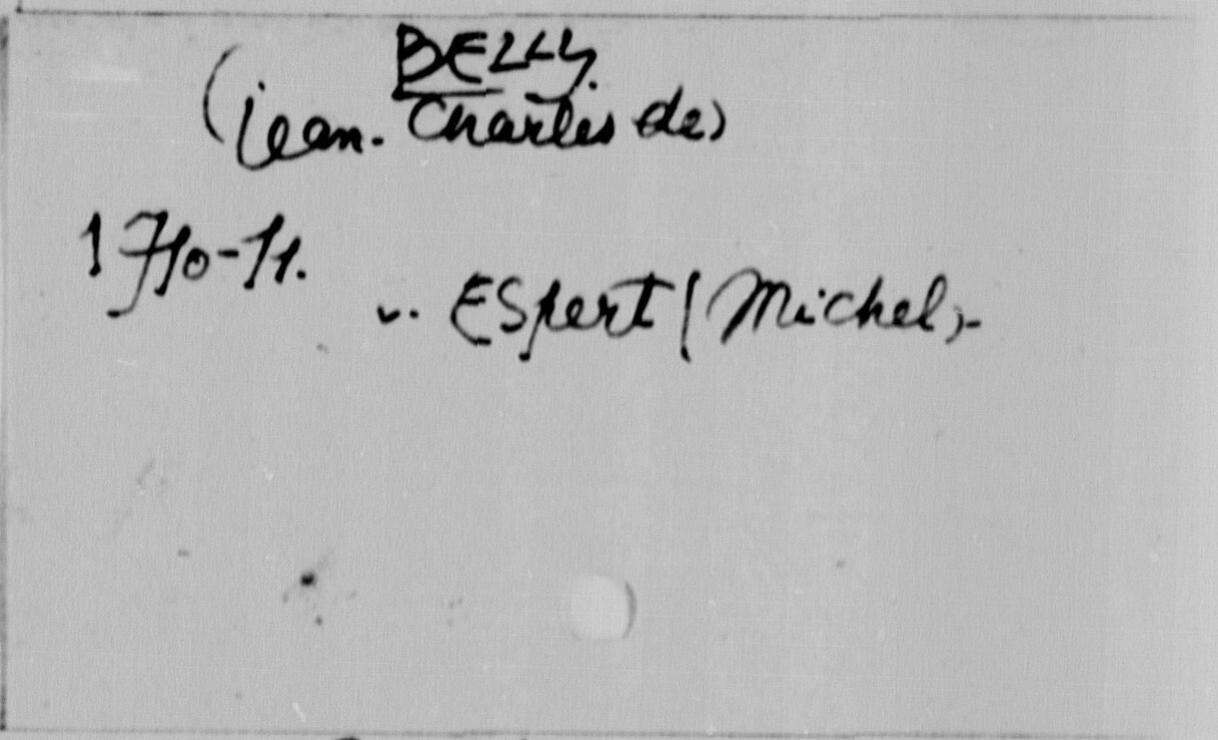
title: BELLY (Jean-Charles de)
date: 1710-1711
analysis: Voir ESPERT (Michel)
